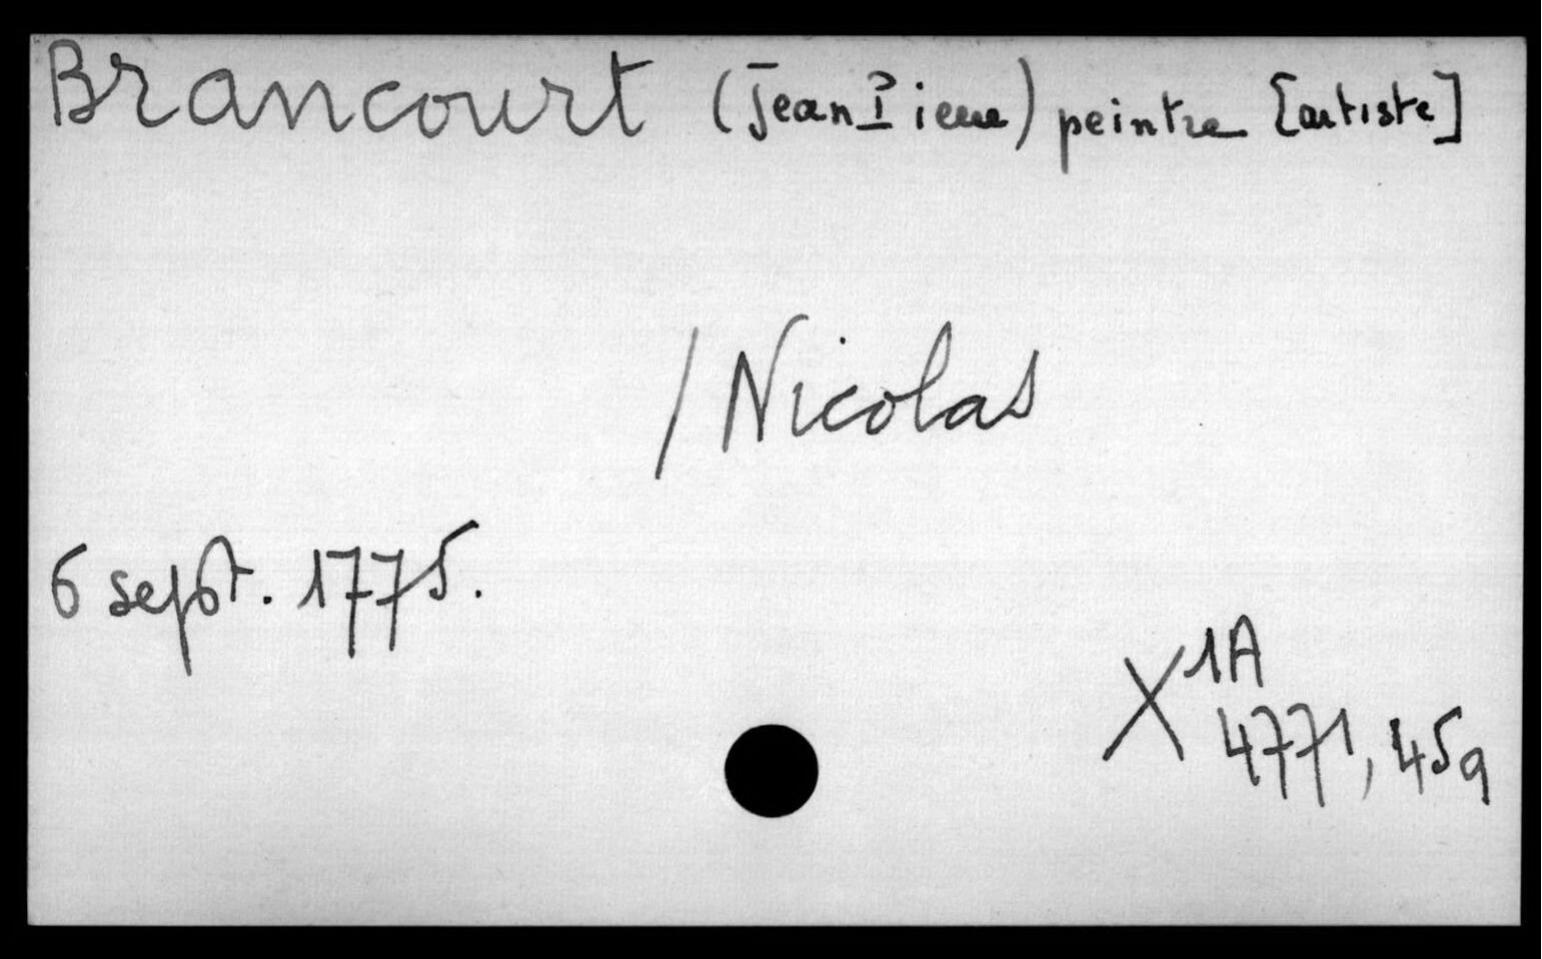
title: BRAMCOURT (Jean Pierre) peintre [artiste]
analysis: Contre Nicolas
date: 6 septembre 1775
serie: X1A
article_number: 4771
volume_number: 459
